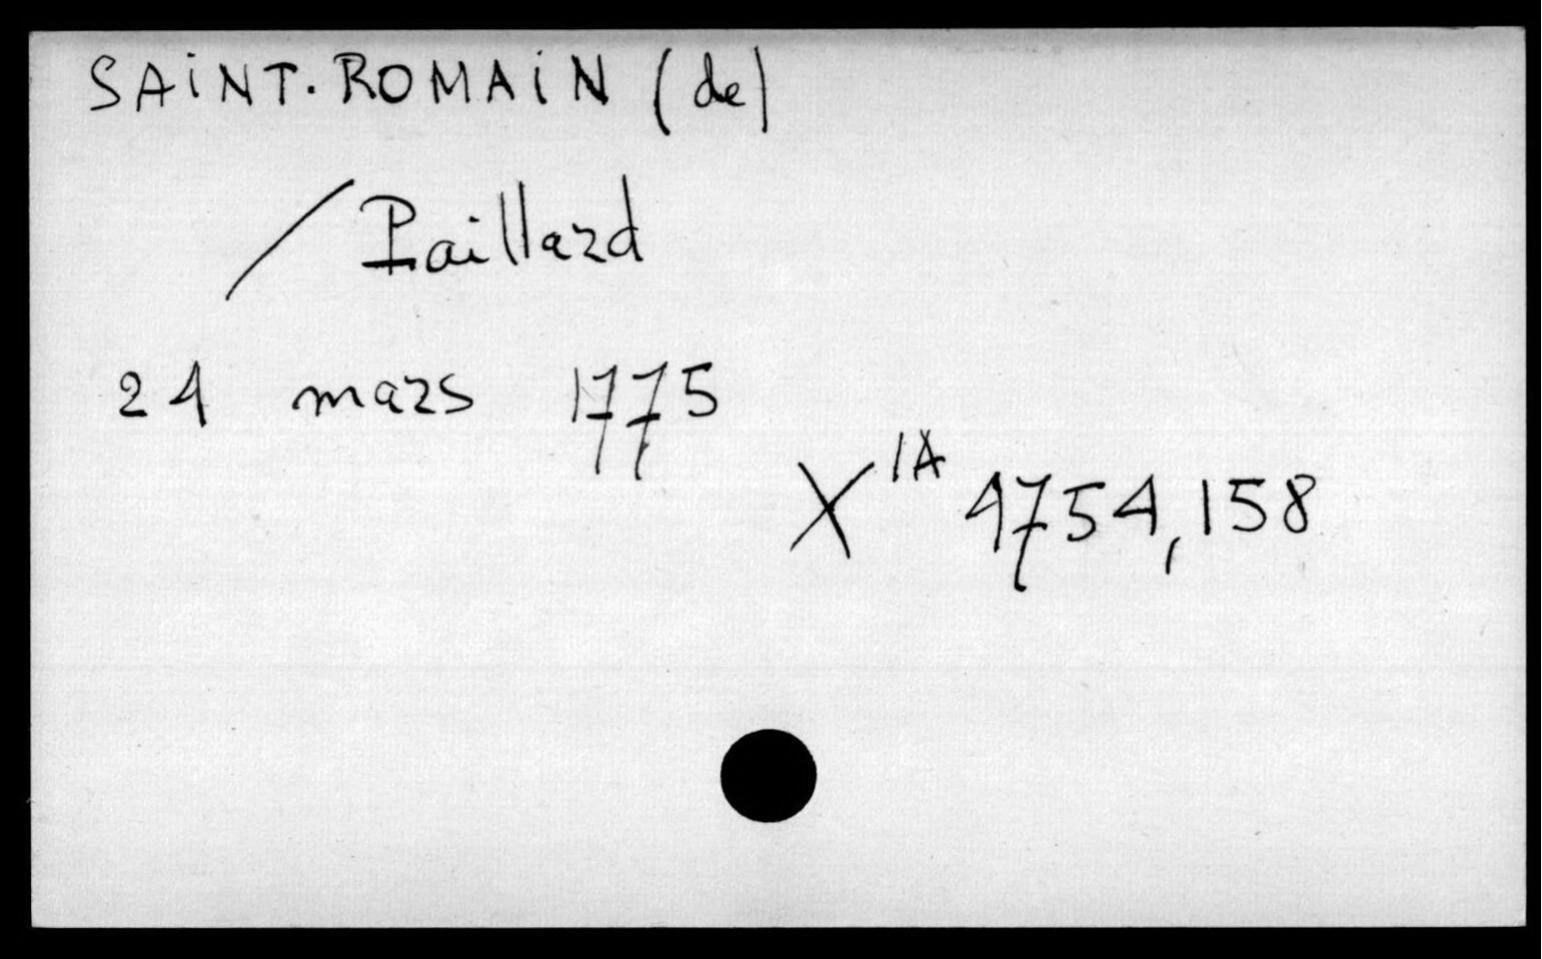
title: SAINT-ROMAIN (de)
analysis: Contre Paillard
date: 24 mars 1775
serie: X1A
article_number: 4754
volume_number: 158
